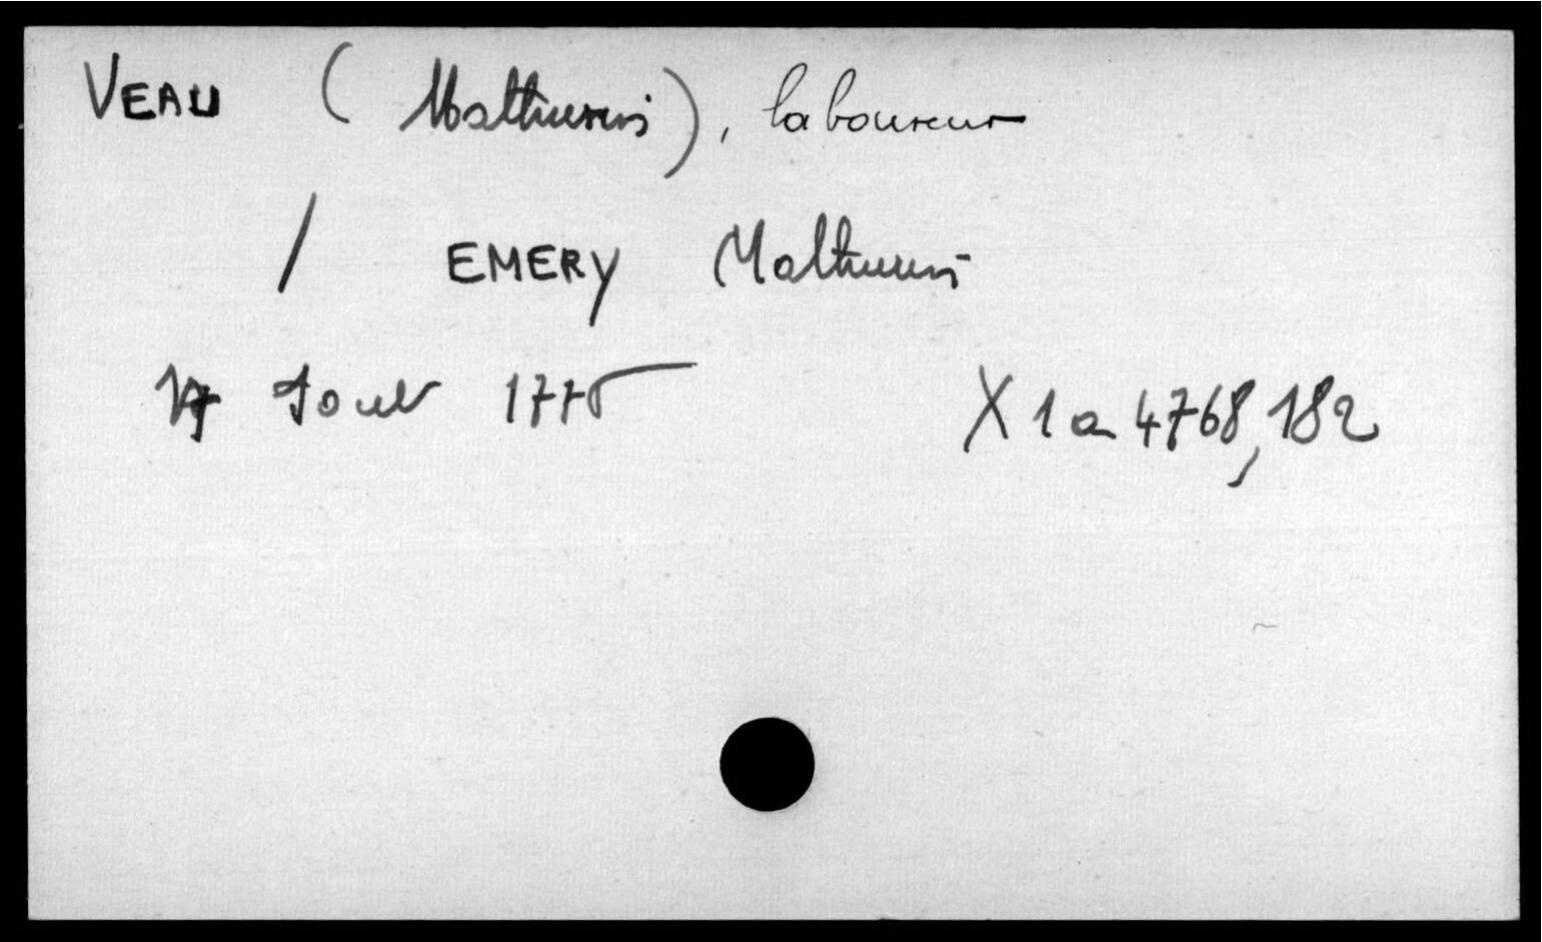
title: VEAU (Mathurin), laboureur
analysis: Contre EMERY Mathurin
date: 17 août 1775
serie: X1a
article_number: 4768
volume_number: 182
